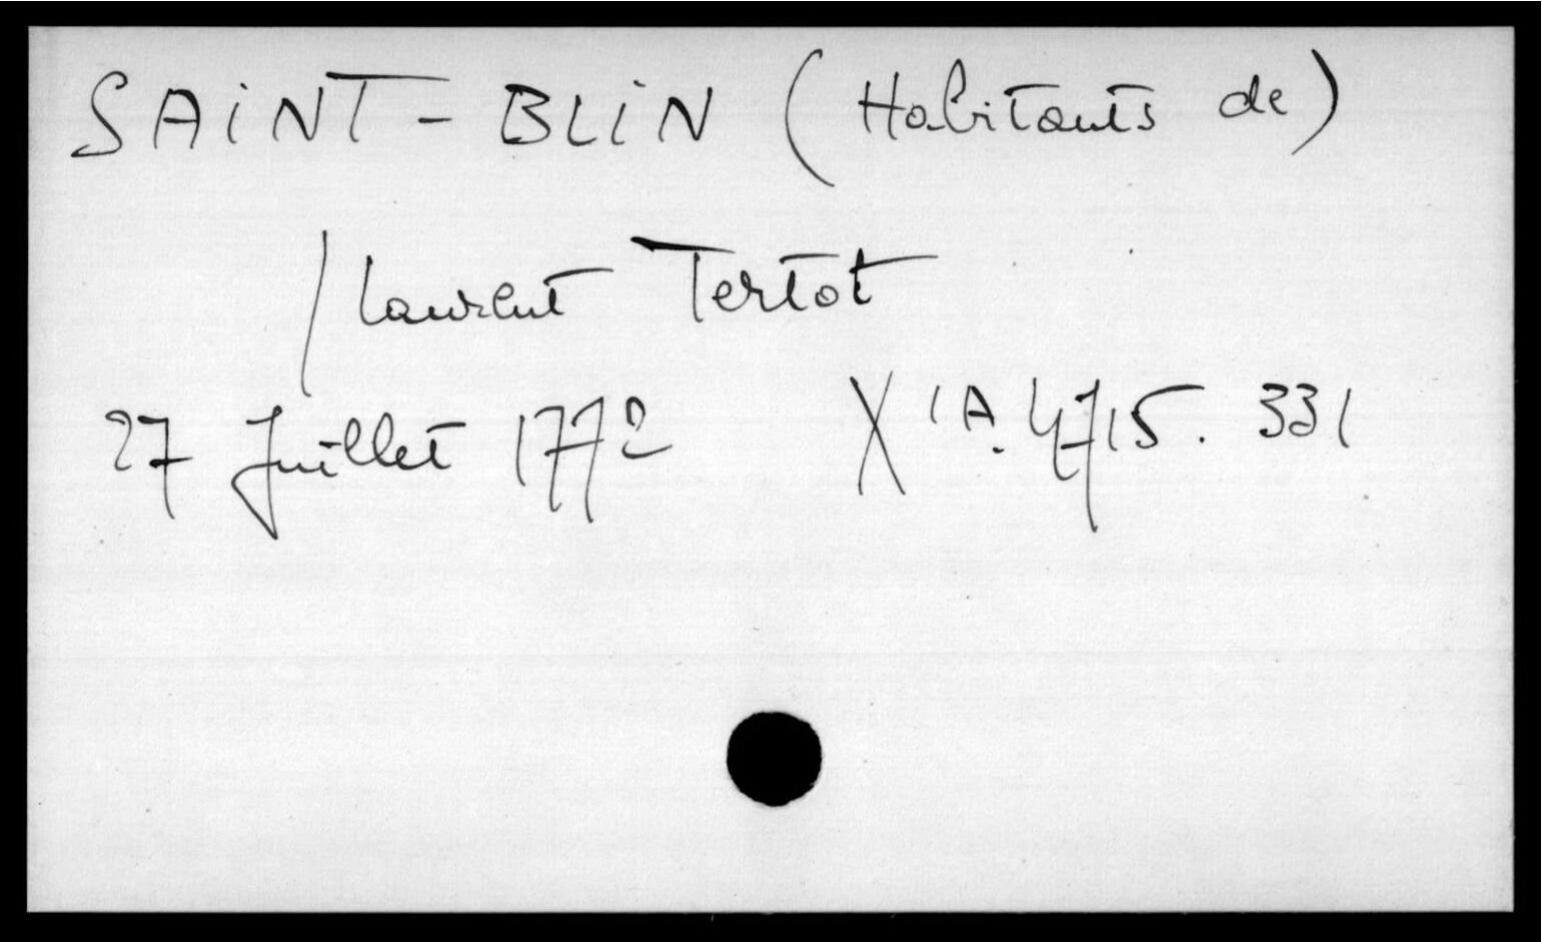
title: SAINT-BLIN (Habitants de)
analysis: Contre Laurent TERTOT
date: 27 juillet 1772
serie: X1A
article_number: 4715
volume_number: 331
